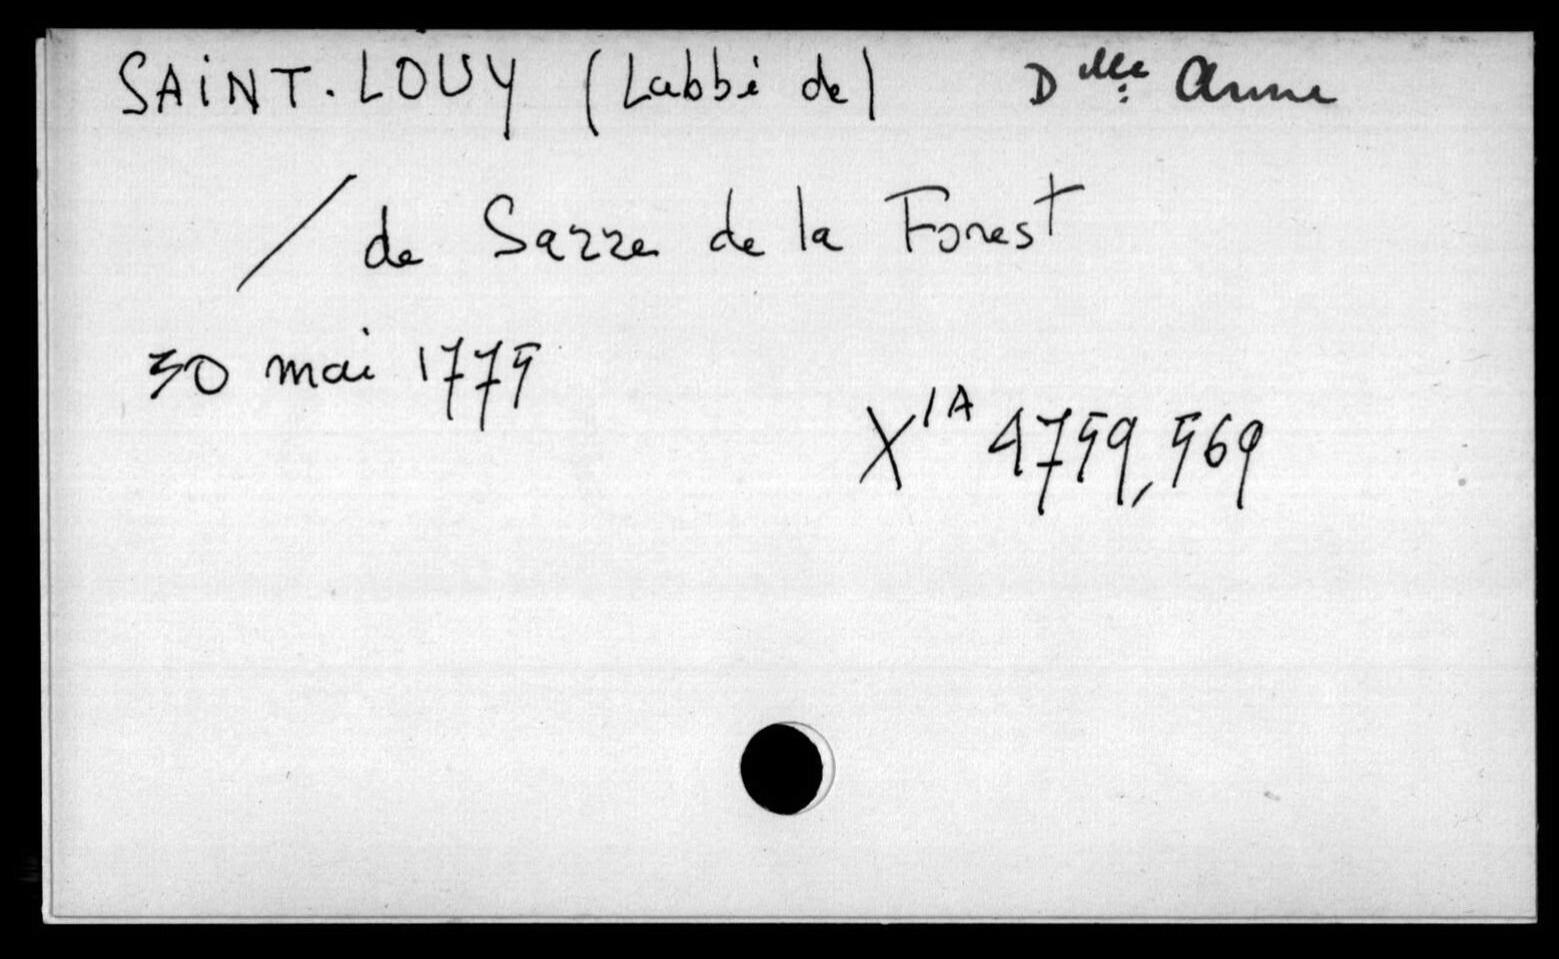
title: SAINT-LOUY (Labbé de), damoiselle Anne
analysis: Contre de Sarre de la Forest
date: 30 mai 1775
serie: X1A
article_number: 4759
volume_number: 569
